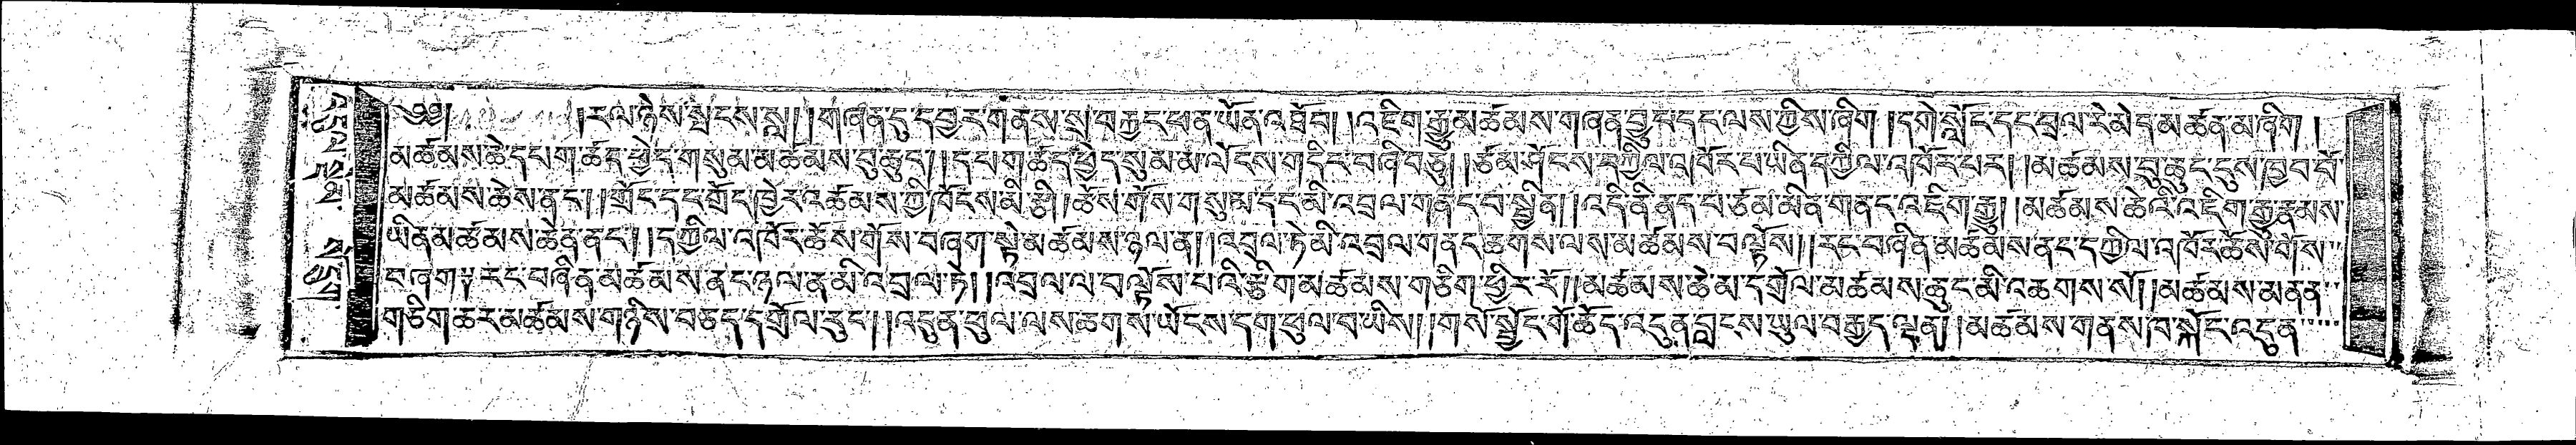༄༅། །རལ་ཉེས་སྤངས་སླ། །གཞན་དུ་དབྱར་གནས་སྲ་བརྐྱང་ཕན་ཡོན་འཐོབ། །འཇིག་རྒྱུ་མཚམས་གཞན་བྱུང་དང་ལས་ཀྱིས་ཞིག །དགེ་སློང་དང་བྲལ་རེ་མེད་མཚན་མ་ཞིག །
མཚམས་ཆེ་དཔག་ཚད་ཕྱེད་གསུམ་མཚམས་བུ་ཆུང་། །དཔག་ཚད་ཕྱེད་སུམ་མ་ལོངས་གདིང་བཞི་བཅུ། །ཙམ་ཤོངས་དཀྱིལ་འཁོར་བ་ཡིན་དཀྱིལ་འཁོར་པར། །མཚམས་བུ་ཆུང་དུས་ཁྱབ་བོ་
མཚམས་ཆེས་ནང་། །གྲོང་དང་གྲོང་ཁྱེར་འཚམས་ཀྱི་ཁོངས་མི་རྩི། །ཆོས་གོས་གསུམ་དང་མི་འབྲལ་གནང་བ་སྦྱིན། །འདི་ནི་ནད་པ་ཙམ་མིན་གནང་འཇིག་རྒྱུ། །མཚམས་ཆེའི་འཇིག་རྒྱུ་རྣམས་
ཡིན་མཚམས་ཆེན་ནང་། །དཀྱིལ་འཁོར་ཆོས་གོས་བཞག་སྟེ་མཚམས་ཉལ་ན། །འབྲལ་ཏེ་མི་འབྲལ་གནང་ཆགས་ལས་མཚམས་བལྟོས། །རང་བཞིན་མཚམས་ནང་དཀྱིལ་འཁོར་ཆོས་གོས་
བཞག ༑རང་བཞིན་མཚམས་ནང་ཉལ་ན་མི་འབྲལ་ཏེ། །འབྲལ་ལ་བལྟོས་པའི་རྩིག་མཚམས་གཅིག་ཕྱིར་རོ། །མཚམས་ཆེ་མ་དགྲོལ་མཚམས་ཆུང་མི་འཆགས་སོ། །མཚམས་མནན་
གཅིག་ཆར་མཚམས་གཉིས་བཅད་དགྲོལ་རུང་། །འདུན་ཕུལ་ལས་ཆགས་ཡོངས་དག་ཕུལ་བ་ཡིས། །གསོ་སྦྱོང་གོ་ཆོད་འདུན་བླངས་ཡུལ་བརྒྱད་ལྡན། །མཚམས་གནས་ཁ་སྐོང་འདུན་